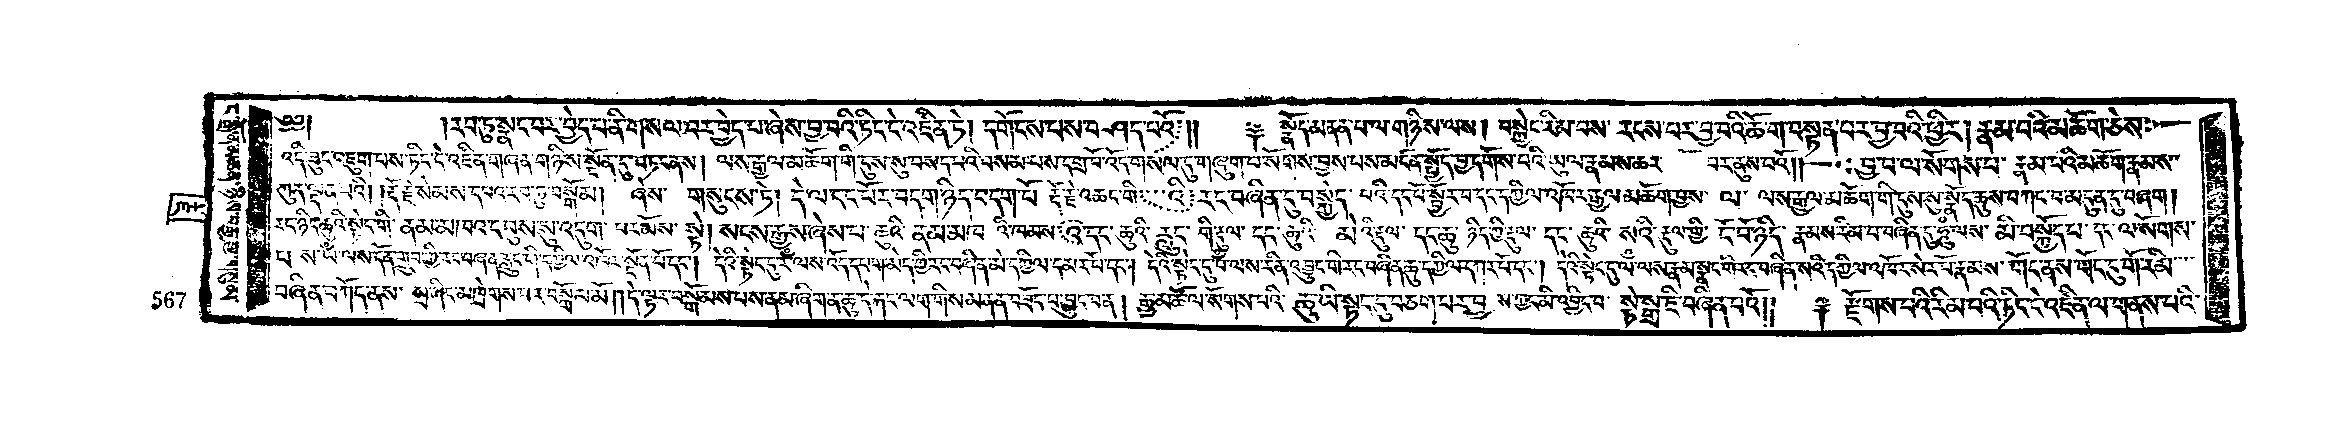༄༅། །རབ་ཏུ་སྣང་བར་བྱེད་པ་ནི་གསལ་བར་བྱེད་པ་ཞེས་བྱ་བའི་ཏིང་ངེ་འཛིན་ཏེ། དགོངས་པས་བཤད་པའོ།། ༈ སྣོད་མནན་པ་ལ་གཉིས་ལས། བསྐྱེད་རིམ་པས་རིངས་པར་བྱ་བའི་ཆོ་ག་བསྟན་པར་བྱ་བའི་ཕྱིར། རྣམ་པའི་མཆོག་ཅེས་
འདི་ཟུང་འཇུག་པས་ཏིང་ངེ་འཛིན་གཞན་གཉིས་སྔོན་དུ་བཏང་ནས། ལས་རྒྱལ་མཆོག་གི་དུས་སུ་བསད་པའི་བསམ་པས་དགྲ་བོ་འོད་གསལ་དུ་གཞུག་པ་སོགས་བྱས་པས་མངོན་སྤྱོད་བྱ་དགོས་པའི་ཡུལ་རྣམས་ཆར་གཅོད་པར་ནུས་པའོ།།  བྱ་བ་ལ་སོགས་པ་རྣམ་པའི་མཆོག་རྣམས་
ཀུན་ལྡན་པའི། །རྡོ་རྗེ་སེམས་དཔའ་རབ་ཏུ་བསྒོམ། ཞེས་གསུངས་ཏེ། དེ་ལ་དང་པོར་བདག་ཉིད་བདག་པོ་རྡོ་རྗེ་འཆང་གི་འི་རང་བཞིན་དུ་བསྐྱེད་པའི་དང་པོ་སྦྱོར་བ་དང་དཀྱིལ་འཁོར་རྒྱལ་མཆོག་བྱས་ལ་ལས་རྒྱལ་མཆོག་གི་དུས་སུ་སྣོད་ཆུས་བཀང་བ་མདུན་དུ་བཞག །
རང་ཉིད་ཆུའི་སྟེང་གི་ནམ་མཁའ་དབུས་སུ་འདུག་པར་མོས་སྟེ། སངས་རྒྱས་ཞེས་པ་ཆུའི་ནམ་མཁའི་ཁམས་འ་དང་ཆུའི་རླུང་གི་རྡུལ་དང་ཆུའི་མེའི་རྡུལ་དང་ཆུ་ཉིད་ཀྱི་རྡུལ་དང་ཆུའི་སའི་རྡུལ་གྱི་ངོ་བོ་ཉིད་རྣམས་རིམ་པ་བཞིན་དུ་ཧཱུཾ་ལས་མི་བསྐྱོད་པ་དང་ལ་སོགས་
པས་ཡཾ་ལས་དོན་གྲུབ་གྱི་རང་བཞིན་རླུང་གི་དཀྱིལ་འཁོར་སྔོན་པོ་དང་། དེའི་སྟེང་དུ་རཾ་ལས་འོད་དཔག་མེད་ཀྱི་རང་བཞིན་མེད་དཀྱིལ་དམར་པོ་དང་། དེའི་སྟེང་དུ་བཾ་ལས་རིན་འབྱུང་གི་རང་བཞིན་ཆུ་དཀྱིལ་དཀར་པོ་དང་། དེའི་སྟེང་དུ་ལཾ་ལས་རྣམ་སྣང་གི་རང་བཞིན་སའི་དཀྱིལ་འཁོར་སེར་པོ་རྣམས་གོང་ནས་གོང་དུ་གོ་རིམ་
བཞིན་བཀོད་ནས་སྲ་ཞིང་མཁྲེགས་པར་བསྒོམ་མོ། །དེ་ལྟར་བསྒོམས་པས་ནམ་ཞིག་ན་ཆུ་དེ་རྐང་ལག་གིས་མནན་བཟོད་པ་བྱུང་བ་ན། རྒྱ་མཚོ་ལ་སོགས་པའི་ཆུ་ཡི་སྟེང་དུ་བཅུག་པར་བྱས་ཀྱང་ནི་འབྱིང་བ་སྟེ་སྒྲ་ཇི་བཞིན་པའོ།། ༈ རྫོགས་པའི་རིམ་པའི་ཏིང་ངེ་འཛིན་ལ་གནས་པའི་